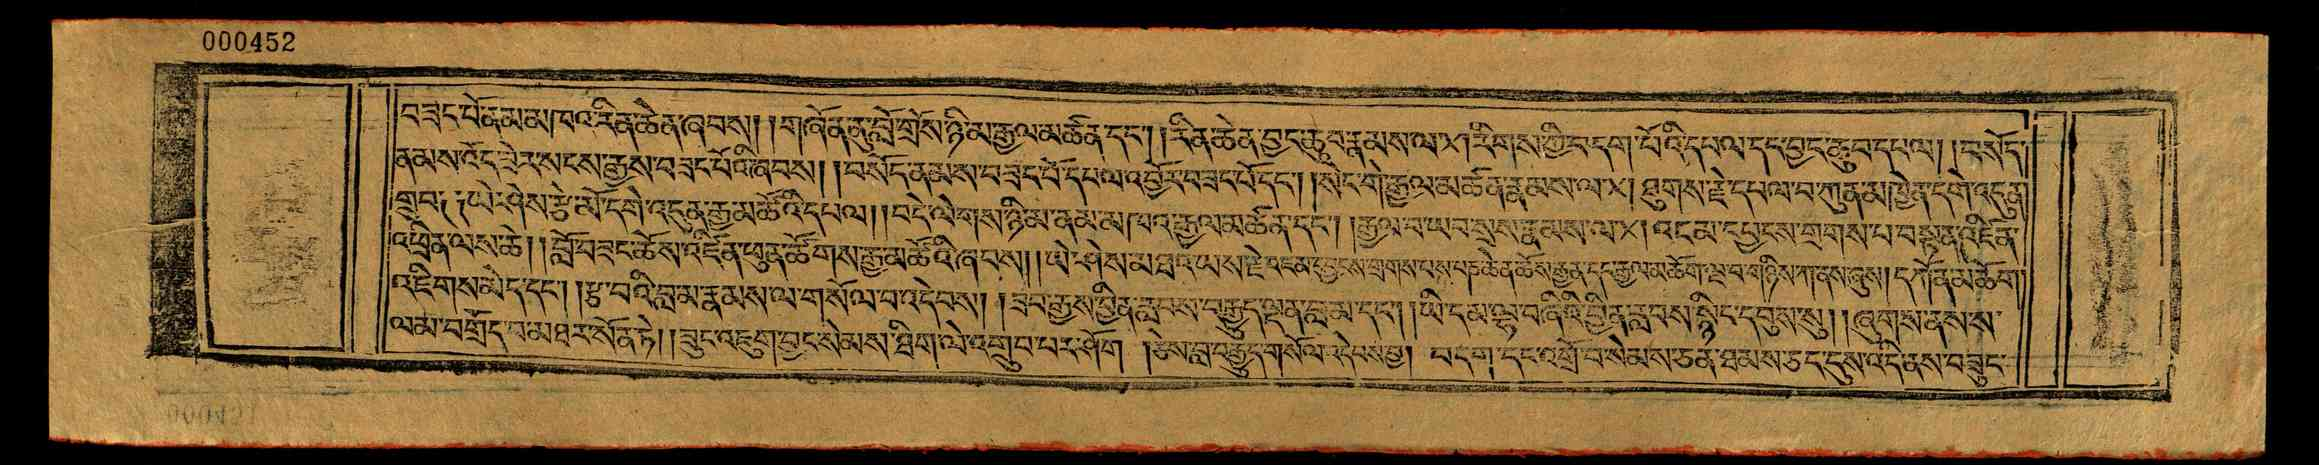བཟང་པོ་ནམ་མཁའི་རིན་ཆེན་ཞབས། །གཞོན་ནུ་བློ་གྲོས་ཉི་མ་རྒྱལ་མཚན་དང་། །རིན་ཆེན་བྱང་ཆུབ་རྣམས་ལ྾། རིགས་ཀྱི་བདག་པོའི་དཔལ་དང་བྱང་ཆུབ་དཔལ། །བསོད་
ནམས་འོད་ཟེར་སངས་རྒྱས་བཟང་པོའི་ཞབས། །བསོད་ནམས་བཟང་པོ་དཔལ་འབྱོར་བཟང་པོ་དང་། །སེང་གེ་རྒྱལ་མཚན་རྣམས་ལ་྾་།ཐུགས་རྗེ་དཔལ་བ་ཀུན་མཁྱེན་དགེ་འདུན་
གྲུབ༑ ༑ཡེ་ཤེས་རྩེ་མོ་དགེ་འདུན་རྒྱ་མཚོའི་དཔལ། །བདེ་ལེགས་ཉི་མ་ནམ་མཁའ་རྒྱལ་མཚན་དང་། །རྒྱལ་བ་ཡབ་སྲས་རྣམས་ལ྾། འཛམ་དབྱངས་གྲགས་པ་བསྟན་འཛིན་
འཕྲིན་ལས་ཆེ། །བློ་བཟང་ཆོས་འཛིན་ཕུན་ཚོགས་རྒྱ་མཚོའི་ཞབས། །ཡེ་ཤེས་མཐའ་ལས་རྗེ་འཇམ་དབྱངས་གྲགས་པས་པཎ་ཆེན་ཆོས་རྒྱན་དང་རྒྱལ་མཆོག་ལྔ་པ་གཉིས་ཀ་ནས་ཞུས།  དཀོན་མཆོག་
འཇིགས་མེད་དང་། །རྩ་བའི་བླ་མ་རྣམས་ལ་གསོལ་བ་འདེབས། །ཟབ་རྒྱས་བྱིན་རླབས་བརྒྱུད་ལྡན་བླ་མ་དང་། །ཡི་དམ་ལྷ་བཞིའི་བྱིན་རླབས་སྙིང་དབུས་སུ། །ཞུགས་ནས་ས་
ལམ་བགྲོད་པ་མཐར་སོན་ཏེ། །ཟུང་འཇུག་བྱང་སེམས་ཐིག་ལེ་འགྲུབ་པར་ཤོག ། ཅེས་བླ་བརྒྱུད་གསོལ་འདེབས་བྱ།  བདག་དང་འགྲོ་བ་སེམས་ཅན་ཐམས་ཅད་དུས་འདི་ནས་བཟུང་